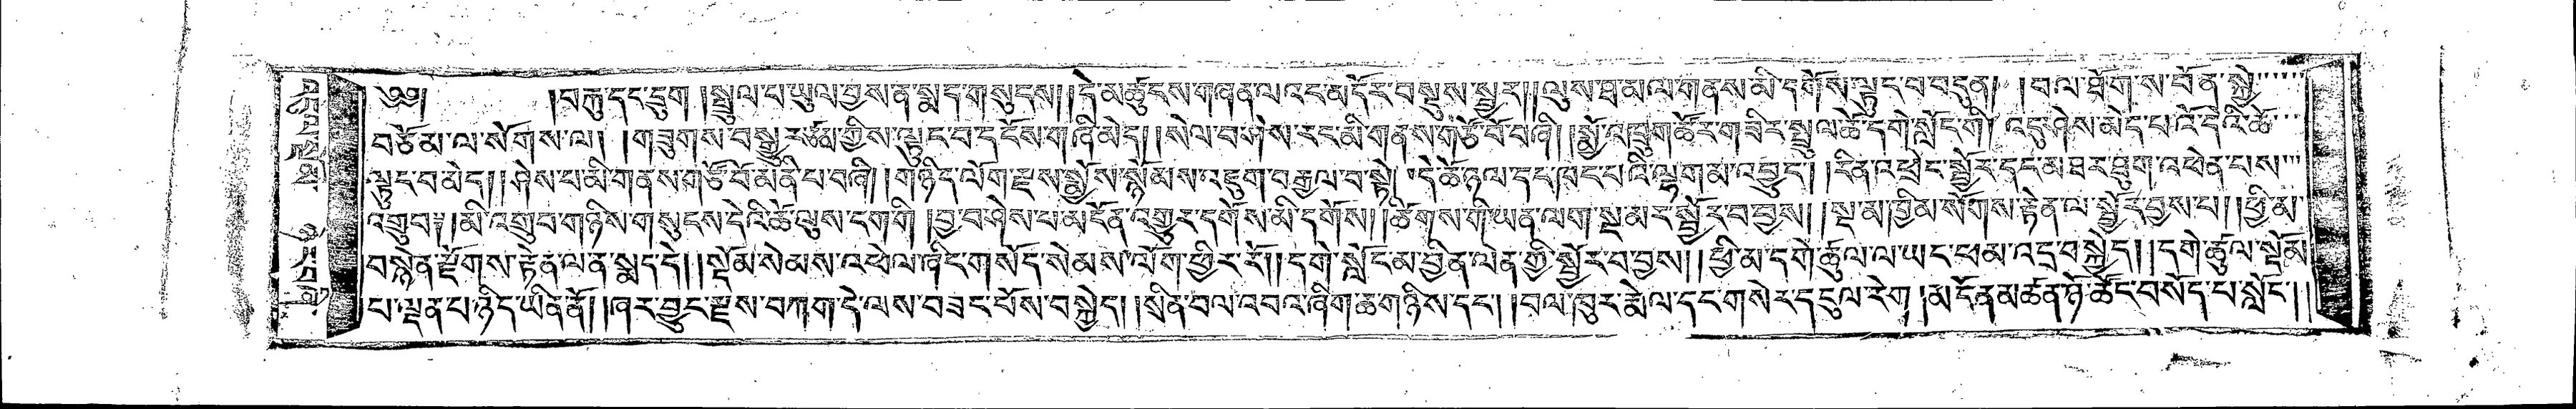༄༅། །བརྐུ་དང་དྲུག །སྤྲུལ་པ་ཡུལ་བྱས་ན་སྨད་གསུངས། །དེ་མཚུངས་གཞན་ལའང་མདོར་བསྡུས་སྦྱར། །ལུས་ཐ་མལ་གནས་མི་དགོས་ལྟུང་བ་བདུན། །བལ་ཐོག་ས་བོན་སྐྱེ་
བཅོམ་ལ་སོགས་ལ། །གཟུགས་བསྒྱུར་ཙམ་གྱིས་ལྟུང་བ་དངོས་གཞི་མེད། །སེལ་བ་ཤེས་རང་མི་གནས་གཙོ་བོ་བཞི། །སྨྱོ་འཁྲུག་ཚོར་གཟིར་སྤྲུལ་ཚེ་དགེ་སློང་གི །འདུ་ཤེས་མེད་པའོ་དེའི་ཚེ་
ལྟུང་བ་མེད། །ཤེས་པ་མི་གནས་གཙོ་བོ་མིན་པ་བཞི། །གཉིད་ལོག་རྫས་སྨྱོས་སྙོམས་འཇུག་བརྒྱལ་བ་སྟེ། །དེ་ཚེ་ཉལ་དང་ཁང་པའི་ལྷག་མ་འབྱུང་། །རིན་འཕྲེང་སྦྱོར་དང་མཐར་ཐུག་འཕེན་པས་
འགྲུབ༑ །མི་འགྲུབ་གཉིས་གསུངས་དེའི་ཚེ་ལུས་ངག་གི །བྱ་བ་ཤེས་པ་མངོན་འགྱུར་དགོས་མི་དགོས། །ཚིགས་གི་ཡན་ལག་སྔ་མར་སྦྱོར་བ་བྱས། །སྔ་མ་ཁྱིམ་སོགས་རྟེན་ལ་སྦྱོར་བྱས་པ། །ཕྱི་མ་
བསྙེན་རྫོགས་རྟེན་ལ་ན་སྨད་དེ། །སྡོམ་སེམས་འཕེལ་ཞིང་གསོད་སེམས་ལོག་ཕྱིར་རོ། །དགེ་སློང་མ་བྱིན་ལེན་གྱི་སྦྱོར་བ་བྱས། །ཕྱི་མ་དགེ་ཚུལ་ལ་ཡང་ཕམ་འདྲ་བསྐྱེད། །དགེ་ཚུལ་སྡོམ་
པ་ལྡན་པ་ཉིད་ཡིན་ནོ། །ཞར་བྱུང་རྫས་བཀག་དེ་ལས་བཟང་པོས་བསྐྱེད། །སྲིན་བལ་འབའ་ཞིག་ཆ་གཉིས་དང་། །བལ་ཁུར་རྨེལ་དང་གསེར་དངུལ་རེག །མངོན་མཚན་ཉོ་ཚོང་བསོད་པ་སློང་། །